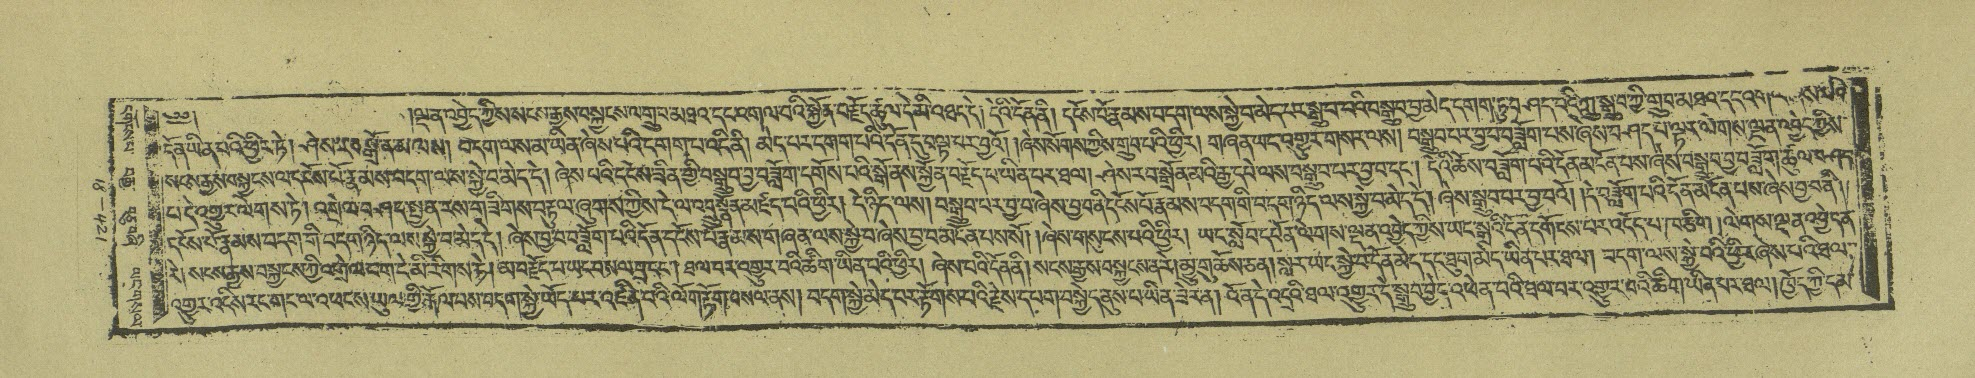༄༅། །ལྡན་འབྱེད་ཀྱིས་སངས་རྒྱས་བསྐྱངས་ལ་གྲུབ་མཐའ་དང་འགལ་བའི་སྐྱོན་བརྗོད་ཚུལ་དེ་མི་འཐད་དེ། དེའི་དོན་ནི། དངོས་པོ་རྣམས་བདག་ལས་སྐྱེ་བ་མེད་པར་སྒྲུབ་པའི་བསྒྲུབ་བྱ་མེད་དགག་ཏུ་བཤད་པའི་ཀླུ་སྒྲུབ་ཀྱི་གྲུབ་མཐའ་དང་འགལ་ཞེས་པའི་
དོན་ཡིན་པའི་ཕྱིར་ཏེ། ཤེས་རབ་སྒྲོན་མ་ལས། བདག་ལས་མ་ཡིན་ཞེས་པའི་དགག་པ་འདི་ནི། མེད་པར་དགག་པའི་དོན་དུ་བལྟ་བར་བྱའོ། །ཞེས་སོགས་ཀྱིས་གྲུབ་པའི་ཕྱིར། གཞན་ཡང་འགྱུར་གསར་ལས། བསྒྲུབ་པར་བྱ་བ་བཟློག་པས་ཞེས་བཤད་པ་ལྟར་ལེགས་ལྡན་འབྱེད་ཀྱིས་
སངས་རྒྱས་བསྐྱངས་ལ་དངོས་པོ་རྣམས་བདག་ལས་སྐྱེ་བ་མེད་དེ། ཞེས་པའི་དངོས་ཟིན་གྱི་བསྒྲུབ་བྱ་བཟློག་དགོས་པའི་སྒོ་ནས་སྐྱོན་བརྗོད་པ་ཡིན་པར་ཐལ། ཤེས་རབ་སྒྲོན་མའི་རྒྱ་དཔེ་ལས་སྒྲུབ་པར་བྱ་བ་དང་། དེའི་ཆོས་བཟློག་པའི་དོན་མངོན་པས་ཞེས་བསྒྲུབ་བྱ་བ་ཟློག་ཚུལ་བཤད་
པ་དེ་འགྱུར་ལེགས་ཏེ། འགྲེལ་བཤད་སྤྱན་རས་གཟིགས་བརྟུལ་ཞུགས་ཀྱིས་དེ་ལ་འབྲུ་སྣོན་མཛད་པའི་ཕྱིར། དེ་ཉིད་ལས། བསྒྲུབ་པར་བྱ་བ་ཞེས་བྱ་བ་ནི་དངོས་པོ་རྣམས་བདག་གི་བདག་ཉིད་ལས་སྐྱེ་བ་མེད་དེ། ཞེས་སྒྲུབ་པར་བྱ་བའོ། །དེ་བཟློག་པའི་དོན་མངོན་པས་ཞེས་བྱ་བ་ནི།
དངོས་པོ་རྣམས་བདག་གི་བདག་ཉིད་ལས་སྐྱེ་བ་མེད་དེ། ཞེས་བྱ་བ་བཟློག་པའི་དོན་དངོས་པོ་རྣམས་གཞན་ལས་སྐྱེ་བ་ཞེས་བྱ་བ་མངོན་པས་སོ། །ཞེས་གསུངས་པའི་ཕྱིར། ཡང་སློབ་དཔོན་ལེགས་ལྡན་འབྱེད་ཀྱིས་ཡང་སྒྲའི་དོན་དགོངས་པར་འདོད་པ་ཁ་ཅིག །ལེགས་ལྡན་འབྱེད་ན་
རེ། སངས་རྒྱས་བསྐྱངས་ཀྱི་འགྲེལ་ངག་དེ་མི་རིགས་ཏེ། མ་བརྗོད་པ་ཡང་བསལ་བ་དང་། ཐལ་བར་འགྱུར་བའི་ཚིག་ཡིན་པའི་ཕྱིར། ཞེས་པའི་དོན་ནི། སངས་རྒྱས་བསྐྱངས་ན་རེ། མྱུ་གུ་ཆོས་ཅན། སླར་ཡང་སྐྱེ་བ་དོན་མེད་དང་ཐུག་མེད་ཡིན་པར་ཐལ། བདག་ལས་སྐྱེ་བའི་ཕྱིར་ཞེས་པའི་ཐལ་
འགྱུར་འདིས་རང་གང་ལ་འཕངས་ཡུལ་གྱི་རྒོལ་བས་བདག་སྐྱེ་ཡོད་པར་འཛིན་པའི་ལོག་རྟོག་བསལ་ནས། བདག་སྐྱེ་མེད་པར་རྟོགས་པའི་རྗེས་དཔག་བསྐྱེད་ནུས་པ་ཡིན་ཟེར་ན། འོ་ན་དེ་འདྲའི་ཐལ་འགྱུར་དེ་སྒྲུབ་བྱེད་འཕེན་པའི་ཐལ་བར་འགྱུར་བའི་ཚིག་ཡིན་པར་ཐལ། ཁྱོད་ཀྱི་དམ་